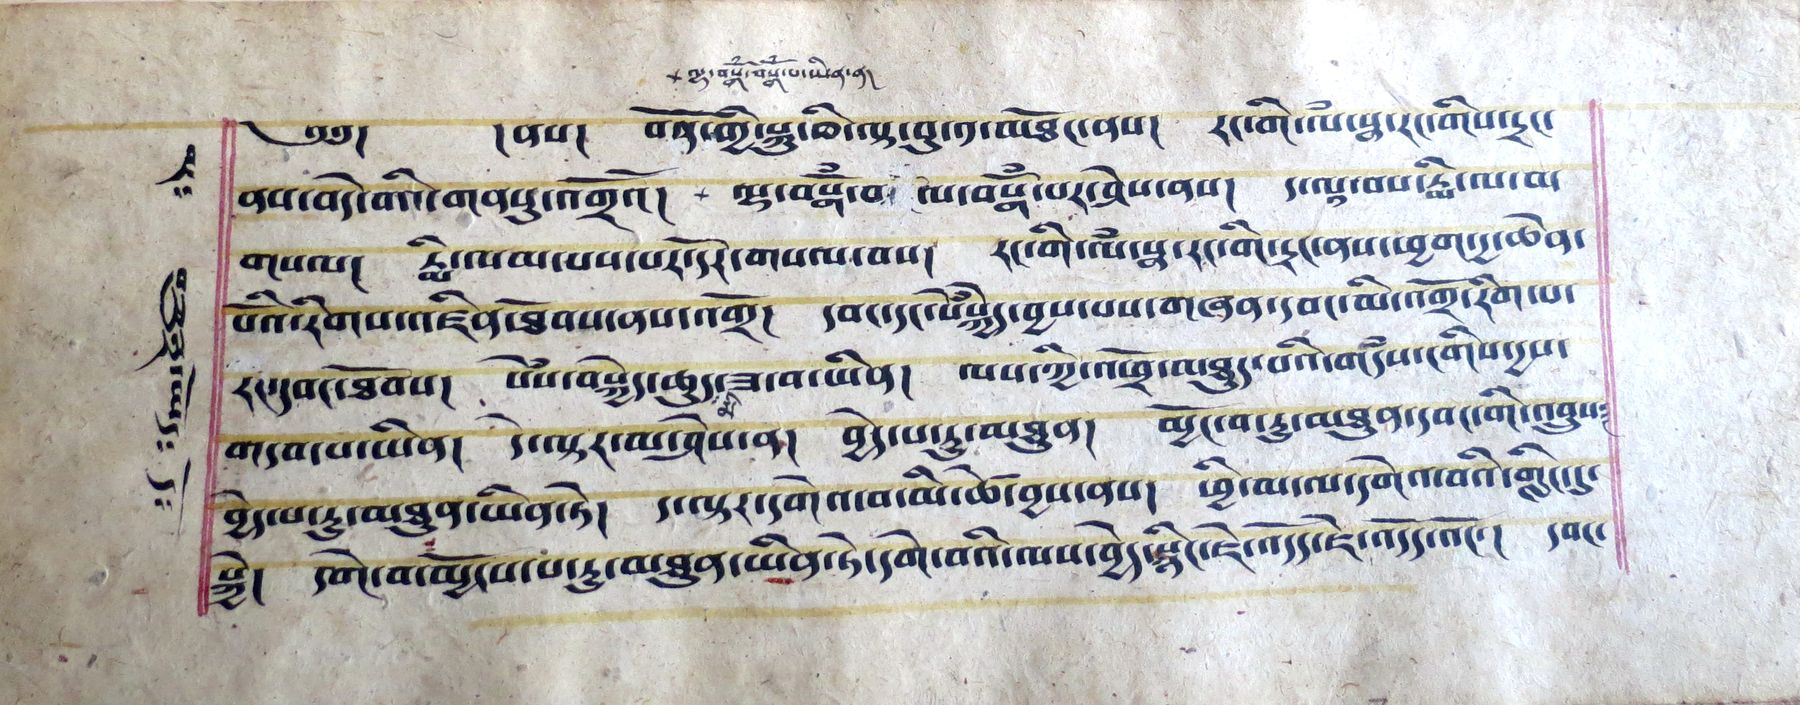ནས། བོན་གྱི་སྐུ་ཅི་ལྟ་བུ་ཞིག་མཐོང་ནས། རང་གི་ལམ་སྣང་རང་གིས་དྲངས་
ནས་བདེ་བའི་གནས་སུ་འགྲོའོ། ལྟ་སྒོམ་བསྒོམས་པ་ལ་བསྒོམས་པར་ཤེས་ནས། ད་ལྟ་བས་རྨི་ལམ་ལ་
གསལ། རྨི་ལམ་བས་བར་དོར་གསལ་བས། རང་གི་ལམ་སྣ་རང་གིས་དྲངས་ནས་ཕྱག་རྒྱ་ཆེན་
པའི་རིག་འཛིན་ཐོབ་ནས་འགྲོ། དབང་དང་སེམས་བསྐྱེད་བྱས་པས་གཞན་དབང་མི་འགྲོ་རིག་པ་
རང་དབང་ཐོབ། སེམས་བསྐྱེད་ཆུད་མི་ཟ་བ་ཡིན། ལས་ཀྱི་འཕྲོ་མཐུད་པའི་གདམས་ངག་གིས་རྒྱས་
གདབ་པ་ཡིན། དེ་ལྟར་མ་ཤེས་ན། བྱེད་པ་རྒྱུ་མཐུན། མྱོང་བ་རྒྱུ་མཐུན་དབང་གི་འབྲས་བུ
བྱེད་པ་རྒྱུ་མཐུན་ཡིན་ཏེ། ད་ལྟར་དགེ་བ་མི་ཚེ་བྱས་ནས། ཕྱི་མ་ལ་དགེ་བའི་གླིང་དུ་
སྐྱེ། དགེ་བ་མྱོང་བ་རྒྱུ་མཐུན་ཡིན་ཏེ། དགེ་བའི་ལས་བྱེད་སྙིང་ཇེ་འདོད་ཇེ་འདོད་འོང་། དབང་